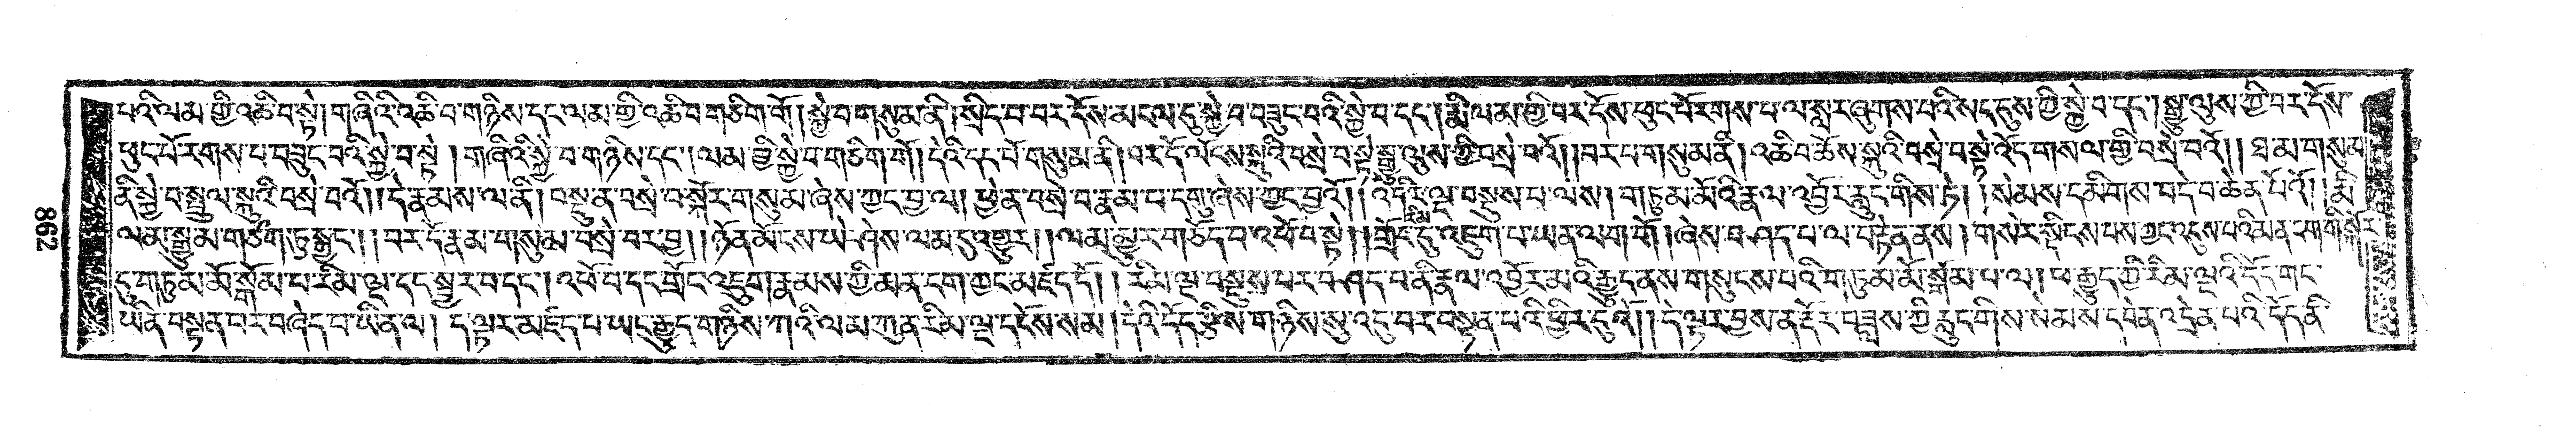པའི་ལམ་གྱི་འཆི་བ་སྟེ། གཞིའི་འཆི་བ་གཉིས་དང་ལམ་གྱི་འཆི་བ་གཅིག་གོ །སྐྱེ་བ་གསུམ་ནི། སྲིད་པ་བར་དོས་མངལ་དུ་སྐྱེ་བ་བཟུང་བའི་སྐྱེ་བ་དང་། རྨི་ལམ་གྱི་བར་དོས་ཕུང་པོ་རགས་པ་ལ་སླར་ཞུགས་པའི་སད་དུས་ཀྱི་སྐྱེ་བ་དང་། སྒྱུ་ལུས་ཀྱི་བར་དོས་
ཕུང་པོ་རགས་པ་བཟུང་བའི་སྐྱེ་བ་སྟེ། གཞིའི་སྐྱེ་བ་གཉིས་དང་། ལམ་གྱི་སྐྱེ་བ་གཅིག་གོ །དེའི་དང་པོ་གསུམ་ནི། བར་དོ་ལོངས་སྐུའི་བསྲེ་བ་སྟེ་སྒྱུ་ལུས་ཀྱི་བསྲེ་བའོ། །བར་པ་གསུམ་ནི། འཆི་བ་ཆོས་སྐུའི་བསྲེ་བ་སྟེ་འོད་གསལ་གྱི་བསྲེ་བའོ། །ཐ་མ་གསུམ་
ནི་སྐྱེ་བ་སྤྲུལ་སྐུའི་བསྲེ་བའོ། །དེ་རྣམས་ལ་ནི། བསྡུ་ན་བསྲེ་བ་སྐོར་གསུམ་ཞེས་ཀྱང་བྱ་ལ། ཕྱེ་ན་བསྲེ་བ་རྣམ་པ་དགུ་ཞེས་ཀྱང་བྱའོ། །འདིར་རིམ་ལྔ་བསྡུས་པ་ལས། གཏུམ་མོའི་རྣལ་འབྱོར་རླུང་གིས་ཏེ། །སེམས་དམིགས་བདེ་བ་ཆེན་པོའོ། །རྨི་
ལམ་སྒྱུ་མ་གཅིག་ཏུ་སྦྱང་། །བར་དོ་རྣམ་གསུམ་བསྲེ་བར་བྱ། །ཉོན་མོངས་ཡེ་ཤེས་ལམ་དུ་འགྱུར། །ལམ་མྱུར་གཅོད་པ་འཕོ་བ་སྟེ། །གྲོང་དུ་འཇུག་པ་ཡན་ལག་གོ །ཞེས་བཤད་པ་ལ་བརྟེན་ནས། གསེར་སྡིངས་པས་ཀྱང་འདུས་པའི་མན་ངག་གི་སྐོར་
དུ་གཏུམ་མོ་སྒོམ་པ་རིམ་ལྔ་དང་སྦྱར་བ་དང་། འཕོ་བ་དང་གྲོང་འཇུག་རྣམས་ཀྱི་མན་ངག་ཀྱང་མཛད་དོ། །རིམ་ལྔ་བསྡུས་པར་བཤད་པ་ནི་རྣལ་འབྱོར་མའི་རྒྱུད་ནས་གསུངས་པའི་གཏུམ་མོ་སྒོམ་པ་ལ། ཕ་རྒྱུད་ཀྱི་རིམ་ལྔའི་དོད་གང་
ཡིན་བསྟན་པར་བཞེད་པ་ཡིན་ལ། དེ་ལྟར་མཛད་པ་ཡང་རྒྱུད་གཉིས་ཀའི་ལམ་ཀུན་རིམ་ལྔ་དངོས་སམ། དེའི་དོད་རྩིས་གཉིས་སུ་འདུ་བར་བསྟན་པའི་ཕྱིར་དུའོ། །དེ་ལྟར་བྱས་ན་རྡོར་བཟླས་ཀྱི་རླུང་གིས་སེམས་དབེན་འདྲེན་པའི་དོད་ནི་